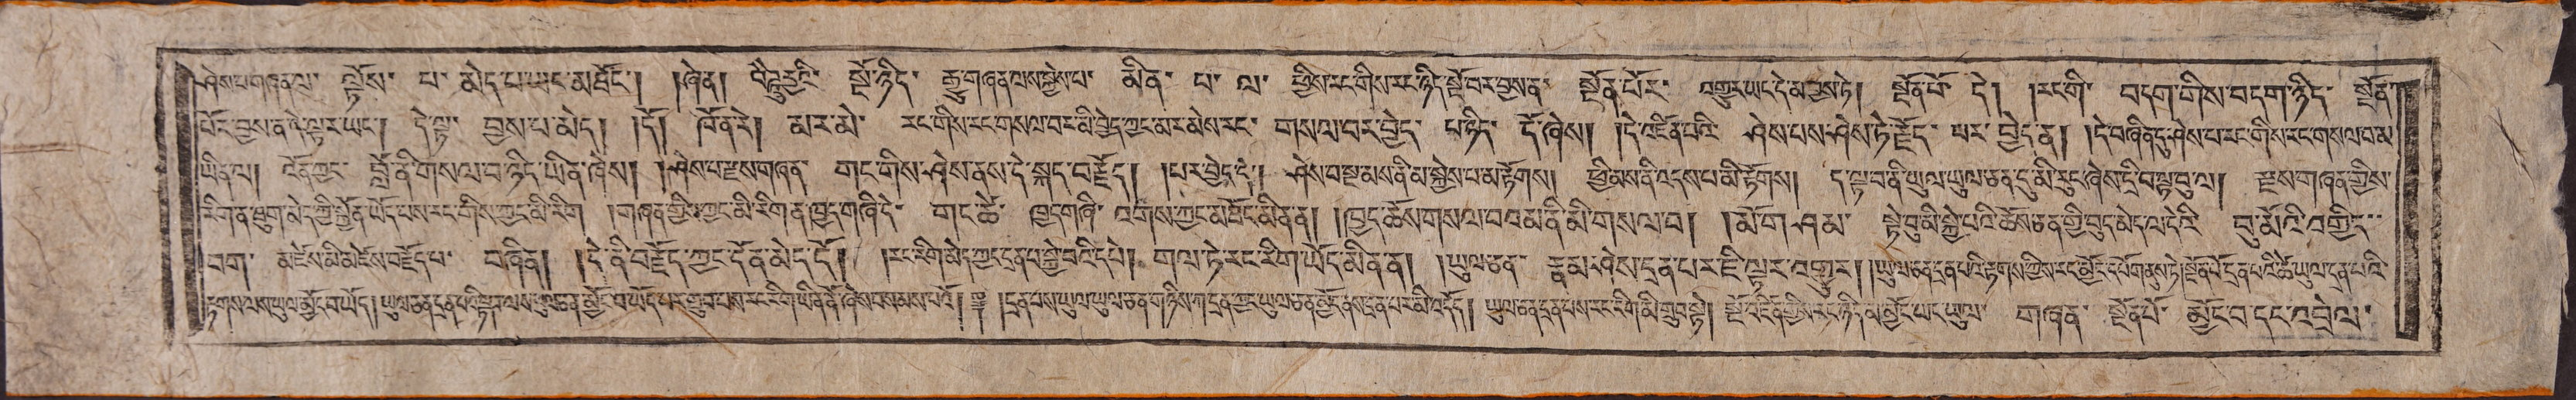ཤེས་པ་གཞན་ལ་ལྟོས་པ་མེད་པ་ཡང་མཐོང་། །ཞེ་ན། བཻཌཱུརྱའི་སྔོ་ཉིད་རྒྱུ་གཞན་ལས་སྐྱེས་པ་མིན་པ་ལ་ཕྱིས་རང་གིས་རང་ཉིད་སྔོ་བར་བྱས་ན་སྔོན་པོར་འགྱུར་ཡང་དེ་མ་བྱས་ཏེ། སྔོན་པོ་དེ། །རང་གི་བདག་གིས་བདག་ཉིད། སྔོན་
པོར་བྱས་ན་དེ་ལྟར་ཡང་། དེ་ལྟ་བྱས་པ་མེད། །དོ། ཁོ་ན་རེ།  མར་མེ་རང་གིས་རང་གསལ་བར་མི་བྱེད་ཀྱང་མར་མེས་རང་གསལ་བར་བྱེད་པ་ཉིད་དོ་ཞེས། །དེ་འཛིན་པའི་ཤེས་པས་ཤེས་ཏེ་རྗོད་པར་བྱེད་ན། །དེ་བཞིན་དུ་ཤེས་པ་རང་གིས་རང་གསལ་བམ་
ཡིན་ལ། འོན་ཀྱང་བློ་ནི་གསལ་བ་ཉིད་ཡིན་ཞེས། །ཤེས་པ་རྫས་གཞན་གང་གིས་ཤེས་ནས་དེ་སྐད་བརྗོད། །པར་བྱད་དེ། ཤེས་པ་སྔ་མས་ནི་མ་སྐྱེས་པ་མ་རྟོགས། ཕྱི་མས་ནི་འདས་པ་མི་རྟོགས། ད་ལྟ་བ་ནི་ཡུལ་ཡུལ་ཅན་དུ་མི་རུང་ཞེས་དྲི་བ་ལྟ་བུ་ལ། རྫས་གཞན་གྱིས་
རིག་ན་ཐུག་མེད་ཀྱི་སྐྱོན་ཡོད་པས་རང་གིས་ཀྱང་མི་རིག །གཞན་གྱིས་ཀྱང་མི་རིག་ན་ཁྱད་གཞི་དེ། གང་ཚེ་ཁྱད་གཞི་འགས་ཀྱང་མཐོང་མིན་ན། །ཁྱད་ཆོས་ལ་བའམ་ནི་མི་གསལ་བ། །མོ་གཤམ་སྟེ་བུ་མི་སྐྱེ་བའི་ཆོས་ཅན་གྱི་བུད་མེད་ལ་དེའི་བུ་མོའི་འགྱིང་
བག་མཛེས་མི་མཛེས་བརྗོད་པ་བཞིན། །དེ་ནི་བརྗོད་ཀྱང་དོན་མེད་དོ། །རང་རིག་མེད་ཀྱང་དྲན་པ་སྐྱེ་བའི་དཔེ།  གལ་ཏེ་རང་རིག་ཡོད་མིན་ན། །ཡུལ་ཅན་རྣམ་ཤེས་དྲན་པར་ཇི་ལྟར་འགྱུར། །ཡུལ་ཅན་དྲན་པའི་རྟགས་ཀྱིས་རང་མྱོང་དཔོག་ནུས་ཏེ། སྔོན་པོ་དྲན་པའི་ཚེ་ཡུལ་དྲན་པའི་
རྟགས་ལས་ཡུལ་མྱོང་བ་ཡོད། །ཡུལ་ཅན་དྲན་པའི་རྟཌ་ལས་ཡུལ་ཅན་མྱོང་བ་ཡོད་པར་གྲུབ་པས་རང་རིག་ཡིན་ནོ་ཞེས་བསམས་པའོ། ༈ །དྲན་པས་ཡུལ་ཡུལ་ཅན་གཉིས་ཀ་དྲན་ཀྱང་ཡུལ་ཅན་མྱོང་ནས་དྲན་པར་མི་འདོད། ཡུལ་ཅན་དྲན་པས་རང་རིག་མི་གྲུབ་སྟེ། སྔོ་འཛིན་གྱིས་རང་ཉིད་མ་མྱོང་ཡང་ཡུལ་གཞན་སྔོན་པོ་མྱོང་བ་དང་འབྲེལ་